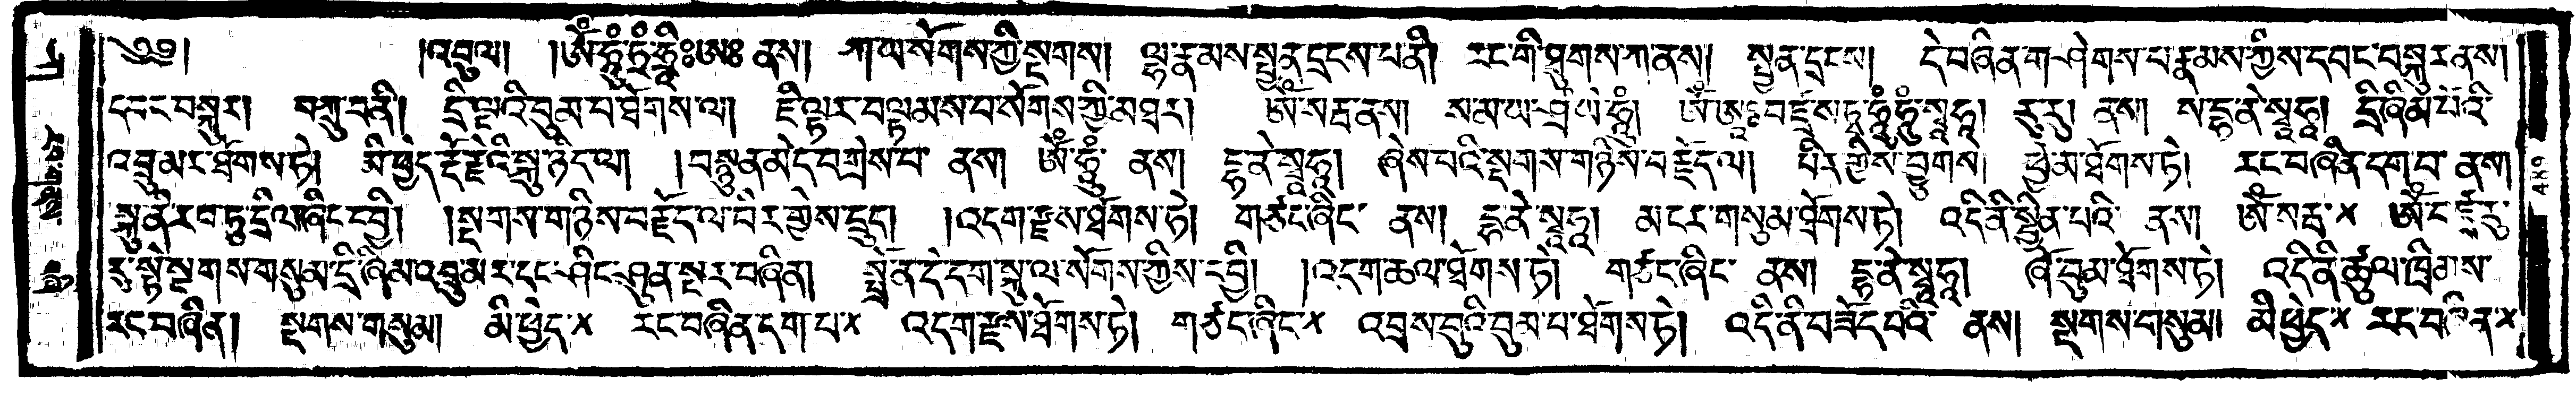༄༅། །འབུལ། །ཨོཾ་བྷཱུ་ཏྲཾ་བྷྲཱིཿ ཨཿ ནས། ཀ་ལ་སོགས་ཀྱི་སྔགས། ལྷ་རྣམས་སྤྱན་དྲངས་པ་ནི། རང་གི་ཐུགས་ཀ་ནས། སྤྱན་དྲངས། དེ་བཞིན་གཤེགས་པ་རྣམས་ཀྱིས་དབང་བསྐུར་ནས།
དབང་བསྐུར། བཀྲུ་བ་ནི། དྲི་ལྔའི་བུམ་པ་ཐོགས་ལ། ཇི་ལྟར་བལྟམས་པ་སོགས་ཀྱི་མཐར། ཨོཾ་སརྦ་ནས། ས་མ་ཡ་ཤྲ་ཡེ་ཧཱུཾ། ཨོཾ་ཨཱཿ བཛྲ་ས་ཏྭ་ཧཱཾ་ཧཱུཾ་སྭཱཧཱ། རུ་རུ། ནས་ས་དྷ་ནེ་སྭཱཧཱ། དྲི་ཞིམ་པོའི་
འབྲུ་མར་ཐོགས་ཏེ། མི་བྱེད་རྡོ་རྗེའི་སྐུ་ཉིད་ལ། །བསྙུན་མེད་བགྲེས་པ་ནས། ཨོཾ་ཧཱུཾ་ནས། དྷ་ནེ་སྭཱཧཱ། ཞེས་པའི་སྔགས་གཉིས་བརྗོད་ལ། པིར་ཀྱིས་བྱུགས། ཕྱེ་མ་ཐོགས་ཏེ། རང་བཞིན་དགུ་བ་ནས།
སྐུ་ནི་རབ་ཏུ་དྲིལ་ཞིང་དབྱི། །སྔགས་གཉིས་བརྗོད་ལ་བིར་གྱིས་དྲུང་། །འདག་རྫས་ཐོགས་ཏེ། གཙང་ཞིང་ནས། དྷ་ནེ་སྭཱཧཱ། མངར་གསུམ་ཐོགས་ཏེ། འདི་ནི་སྦྱིན་པའི་ནས། ཨོཾ་སརྦ་྾་ཨོཾ་བཛྲ་རུ་
རུ་སྟེ་སྔགས་གསུམ་དྲི་ཞིམ་འབྲུ་མར་དང་ཤིང་ཤུན་སྔར་བཞིན། སྤྲོ་ན་དེ་དག་སྐུལ་སོགས་ཀྱིས་དབྱི། །འདག་ཆལ་ཐོགས་ཏེ། གཙང་ཞིང་ནས། དྷ་ནེ་སྭཱཧཱ། ཞོ་བུམ་ཐོགས་ཏེ། འདི་ནི་ཚུལ་ཁྲིམས་
རང་བཞིན། སྔགས་གསུམ། མི་ཕྱེད་྾་རང་བཞིན་དག་པ་྾་འདག་རྫས་ཐོག་ཏེ། གཙང་ཞིང་྾་འབྲས་བུའི་བུམ་པ་ཐོགས་ཏེ། འདི་ནི་བཟོད་པའི་ནས། སྔགས་གསུམ། མི་ཕྱེད་྾་རང་བཞིན་྾་